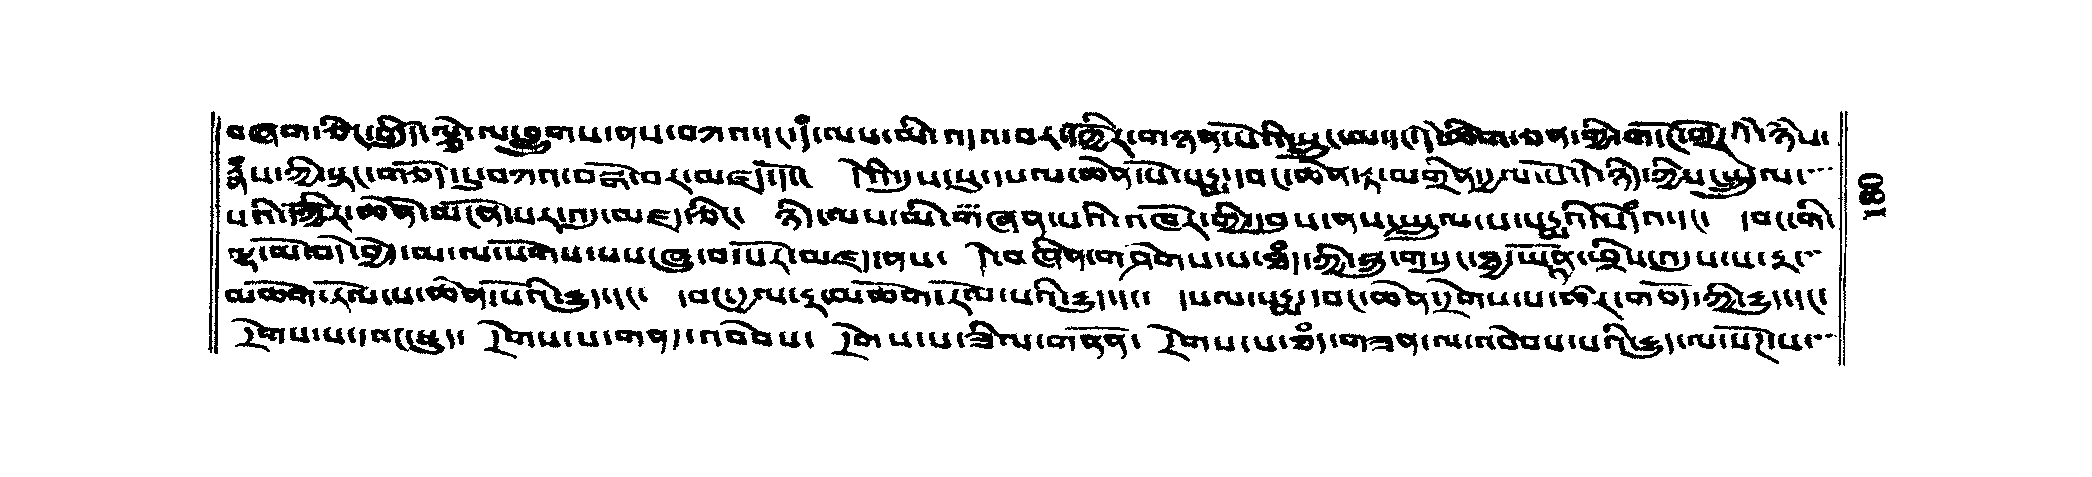བཞག་ཅིང་བདུད་རྩི་ལྕེ་ལ་བླུགས་ནས་བཀའ་དང་དམ་ལས་མི་འདའ་བར་དཀྱིལ་འཁོར་གཉན་པོའི་སྲུང་མ་དང་དམ་ཚིག་ཅན་གྱི་གདོང་གྲོགས། དམ་ཉམས་
རྣམས་ཀྱི་སྟང་གཅོད་དུ་བཀའ་བསྒོ་བར་མཛད་དོ། དེའི་དུས་སུ་དཔལ་ཆེན་པོ་པདྨ་དབང་ཆེན་རྟ་མགྲིན་རྒྱལ་པོ་དེ་ཉིད་ཀྱི་སྤྲུལ་
པའི་དཀྱིལ་འཁོར་ཆེན་པོ་མངོན་པར་འདུ་མཛད་ཅིང་། ཉིད་ལ་མི་ཞན་པའི་འཁོར་གྱི་དབུས་ནས་སྤྲུལ་པ་པདྨའི་སེམས་དཔའ་དང་། དབང་གི་
ལྷ་མོ་བདེ་བྱེད་མ་ལ་སོགས་པས་ཞུ་བ་པོར་མཛད་ནས། དེ་བཞིན་གཤེགས་པ་ཐམས་ཅད་ཀྱི་སྐུ་གསུང་ཐུགས་ཡོན་ཏན་ཕྲིན་ལས་འདུས་པ་རྟ་
མཆོག་རྟོལ་པ་ཆེན་པོའི་རྒྱུད་དང་། དབང་རྒྱལ་རྟ་མཆོག་རོལ་པའི་རྒྱུད་དང་། དཔལ་པདྨ་དབང་ཆེན་དྲེགས་པ་ཚར་གཅོད་ཀྱི་རྒྱུད་དང་། 
དྲེགས་པ་དབང་སྡུད། དྲེགས་པ་གནས་འབེབས། དྲེགས་པ་ཟིལ་གནོན། དྲེགས་པ་ཐམས་ཅད་གཟན་ལ་འབེབས་པའི་རྒྱུད་ལ་སོགས་པ་